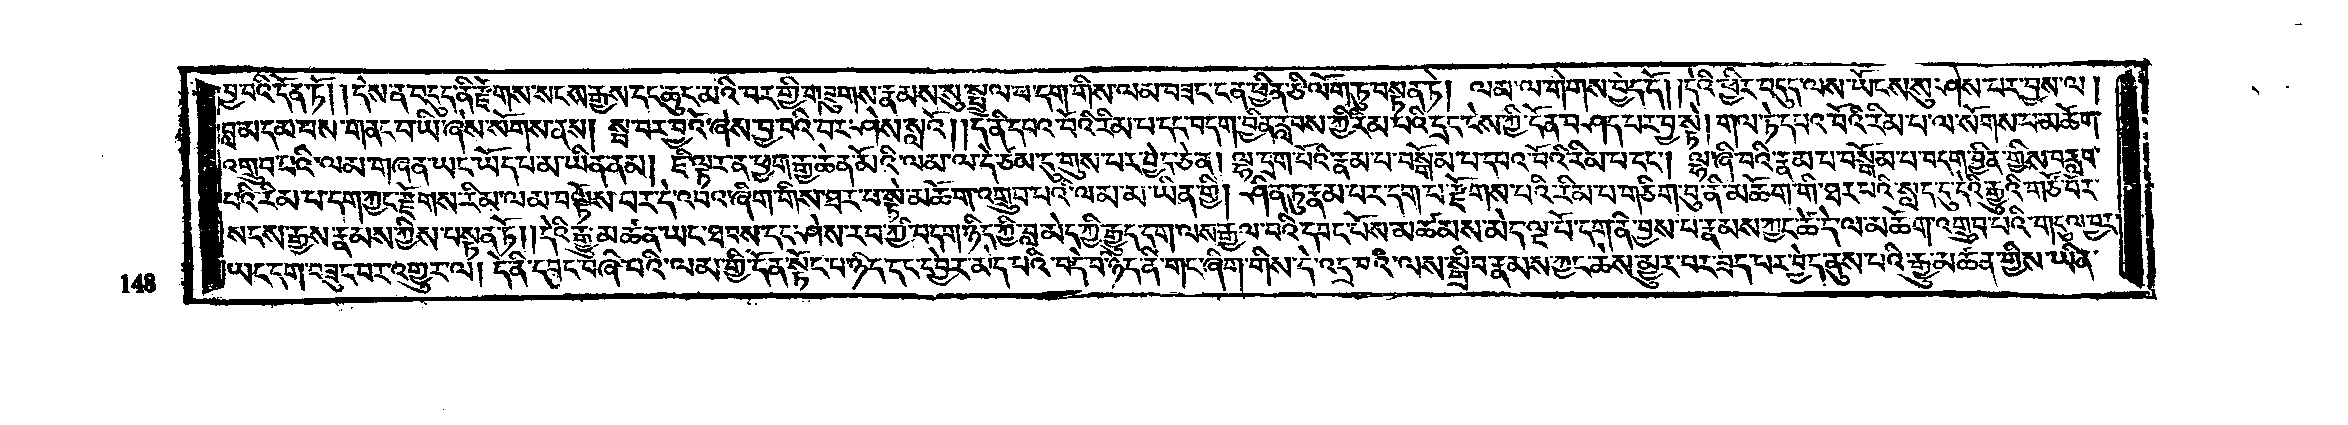བྱ་བའི་དོན་ཏོ། །དེས་ན་བདུད་ནི་རྫོགས་སངས་རྒྱས་དང་ཆུང་མའི་བར་གྱི་གཟུགས་རྣམས་སུ་སྤྲུལ་པ་དག་གིས་ལམ་བཟང་ངན་ཕྱིན་ཅི་ལོག་ཏུ་བསྟན་ཏེ། ལམ་ལ་གེགས་བྱེད་དོ། །དེའི་ཕྱིར་བདུད་ལས་ཡོངས་སུ་ཤེས་པར་བྱས་ལ།
བླ་མ་དམ་པས་གནང་བ་ཡི་ཞེས་སོགས་ནས། སྦ་བར་བྱའོ་ཞེས་བྱ་བའི་བར་ཤེས་སླའོ། །ད་ནི་དཔའ་བོའི་རིམ་པ་དང་བདག་བྱིན་རླབས་ཀྱི་རིམ་པའི་དྲང་ངེས་ཀྱི་དོན་བཤད་པར་བྱ་སྟེ། གལ་ཏེ་དཔའ་བོའི་རིམ་པ་ལ་སོགས་པ་མཆོག་
འགྲུབ་པའི་ལམ་གཞན་ཡང་ཡོད་པ་མ་ཡིན་ནམ། ཇི་ལྟར་ན་ཕྱག་རྒྱ་ཆེན་མོའི་ལམ་ལ་དེ་ཙམ་དུ་གུས་པར་བྱེད་ཅེ་ན། ལྷ་དྲག་པོའི་རྣམ་པ་བསྒོམ་པ་དཔའ་བོའི་རིམ་པ་དང་།ལྷ་ཞི་བའི་རྣམ་པ་བསྒོམ་པ་བདག་བྱིན་གྱིས་བརླབ་
པའི་རིམ་པ་དག་ཀྱང་རྫོགས་རིམ་ལམ་བལྟོས་པར་དེ་འབའ་ཞིག་གིས་ཐར་པ་སྟེ་མཆོག་འགྲུབ་པའི་ལམ་མ་ཡིན་གྱི། ཤིན་ཏུ་རྣམ་པར་དག་པ་རྫོགས་པའི་རིམ་པ་གཅིག་བུ་ནི་མཆོག་གི་ཐར་པའི་སླད་དུ་དེའི་རྒྱུའི་གཙོ་བོར་
སངས་རྒྱས་རྣམས་ཀྱིས་བསྟན་ཏོ། །དེའི་རྒྱུ་མཚན་ཡང་ཐབས་དང་ཤེས་རབ་ཀྱི་བདག་ཉིད་ཀྱི་བླ་མེད་ཀྱི་རྒྱུད་དག་ལས་རྒྱལ་བའི་དབང་པོས་མཚམས་མེད་ལྔ་པོ་དག་ནི་བྱས་པ་རྣམས་ཀྱང་ཚེ་དེ་ལ་མཆོག་འགྲུབ་པའི་གདུལ་བྱར་
ཡང་དག་བཟུང་བར་འགྱུར་ལ། དེ་ནི་དབང་བཞི་པའི་ལམ་གྱི་དོན་སྟོང་པ་ཉིད་དང་དབྱེར་མེད་པའི་བདེ་བ་ཉིད་ནི་གང་ཞིག་གིས་དེ་འདྲ་བའི་ལས་སྒྲིབ་རྣམས་ཀྱང་ཆེས་མྱུར་བར་ཟད་པར་བྱེད་ནུས་པའི་རྒྱུ་མཚན་གྱིས་ཡིན་